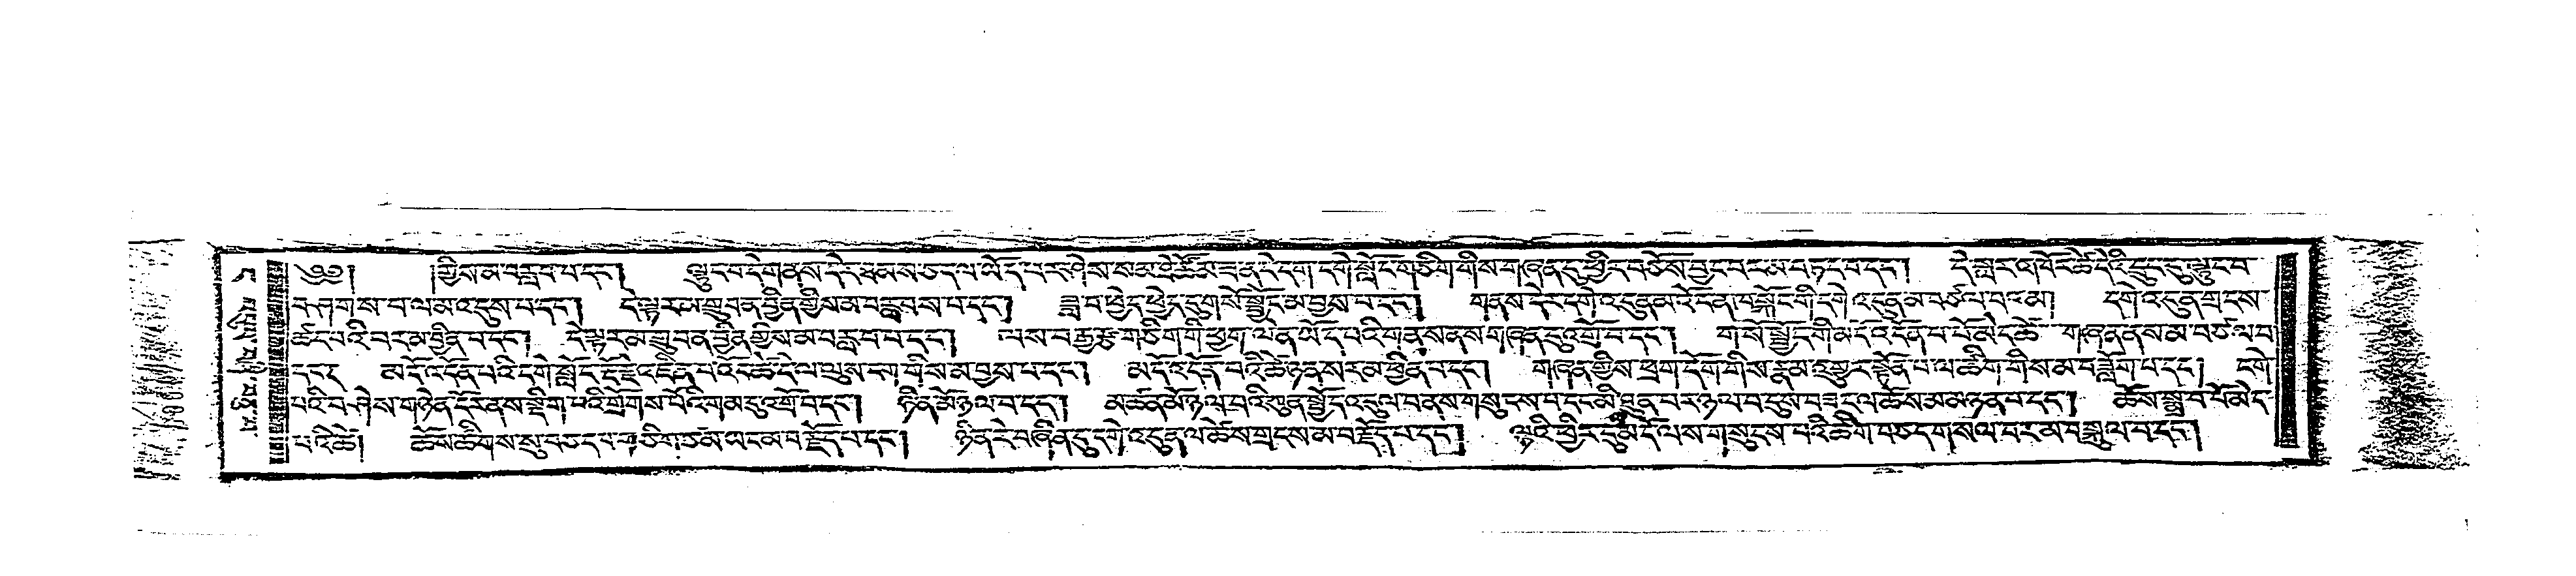༄༅། །གྱིས་མ་བརླབ་པ་དང་། ལྟུང་བ་དེ་གནས་དེར་ཐམས་ཅད་ལ་ཡོད་པར་ཤེས་སམ་ཐེ་ཚོམ་ཟ་ན་དེ་དག་དགེ་སློང་གཅིག་གིས་གཞན་དུ་ཕྱིར་བཅོས་བྱང་བར་མ་བཏང་བ་དང་། དེ་སླར་འཁོར་ཚེ་དེའི་དྲུང་དུ་ལྟུང་བ་
བཤགས་པ་ལམ་འདུས་པ་དང་། དེ་ལྟར་མ་གྲུབ་ན་བྱིན་གྱིས་མ་བརླབས་པ་དང་། ཟླ་བ་ཕྱེད་ཕྱེད་དུ་གསོ་སྦྱོང་མ་བྱས་པ་དང་། གནས་དེར་དགེ་འདུན་མ་འོང་ན་ཁ་སྐོང་གི་དགེ་འདུན་མ་བཙལ་བའམ། དགེ་འདུན་གྲངས་
ཚང་བའི་བར་མ་བྱིན་པ་དང་། དེ་ལྟར་མ་གྲུབ་ན་བྱིན་གྱིས་མ་བརླབ་པ་དང་། ལས་བརྒྱ་རྩ་གཅིག་གི་ཕྱག་ལེན་ཡོད་པའི་གནས་ནས་གཞན་དུ་འགྲོ་བ་དང་། གསོ་སྦྱོང་གི་མདོ་འདོན་པ་པོ་མེད་ཚེ་གཞན་ནས་མ་བཙལ་བ་
དང༑ མདོ་འདོན་པའི་དགེ་སློང་རྡོ་རྗེ་འཛིན་པ་འོང་ཚེ་དེ་ལ་ལུས་ངག་གིས་མ་བྱས་པ་དང་། མདོ་འདོན་པའི་ཚེ་ཉན་སར་མ་ཕྱིན་པ་དང་། གཞན་གྱིས་ཕྲག་དོག་གིས་རྣམ་འགྱུར་སྟོན་པ་ལ་ཚིག་གིས་མ་བཟློག་པ་དང་། དགེ་
བའི་བཤེས་གཉེན་དོར་ནས་སྡིག་པའི་གྲོགས་པོའི་གམ་དུ་འགྲོ་བ་དང་། ཉིན་མོ་ཉལ་བ་དང་། མཚན་མོ་ཉལ་བའི་ཀུན་སྤྱོད་འདུལ་བ་ནས་གསུངས་པ་དང་མི་ཐུན་པར་ཉལ་བ་དུས་བཟང་ལ་ཆོས་མ་མཉན་པ་དང་། ཆོས་སྨྲ་བ་པོ་མེད་
པའི་ཚེ། ཆོས་ཚིགས་སུ་བཅད་པ་གཅིག་ཙམ་ཡང་མ་བརྗོད་པ་དང་། ཉིན་རེ་བཞིན་དུ་དགེ་འདུན་ལ་ཚེས་གྲངས་མ་བརྗོད་པ་དང་། ལྷའི་ཕྱིར་དུ་མདོ་ལས་གསུངས་པའི་ཚིག་བཅད་གསལ་བར་མ་བསྐུལ་བ་དང་།